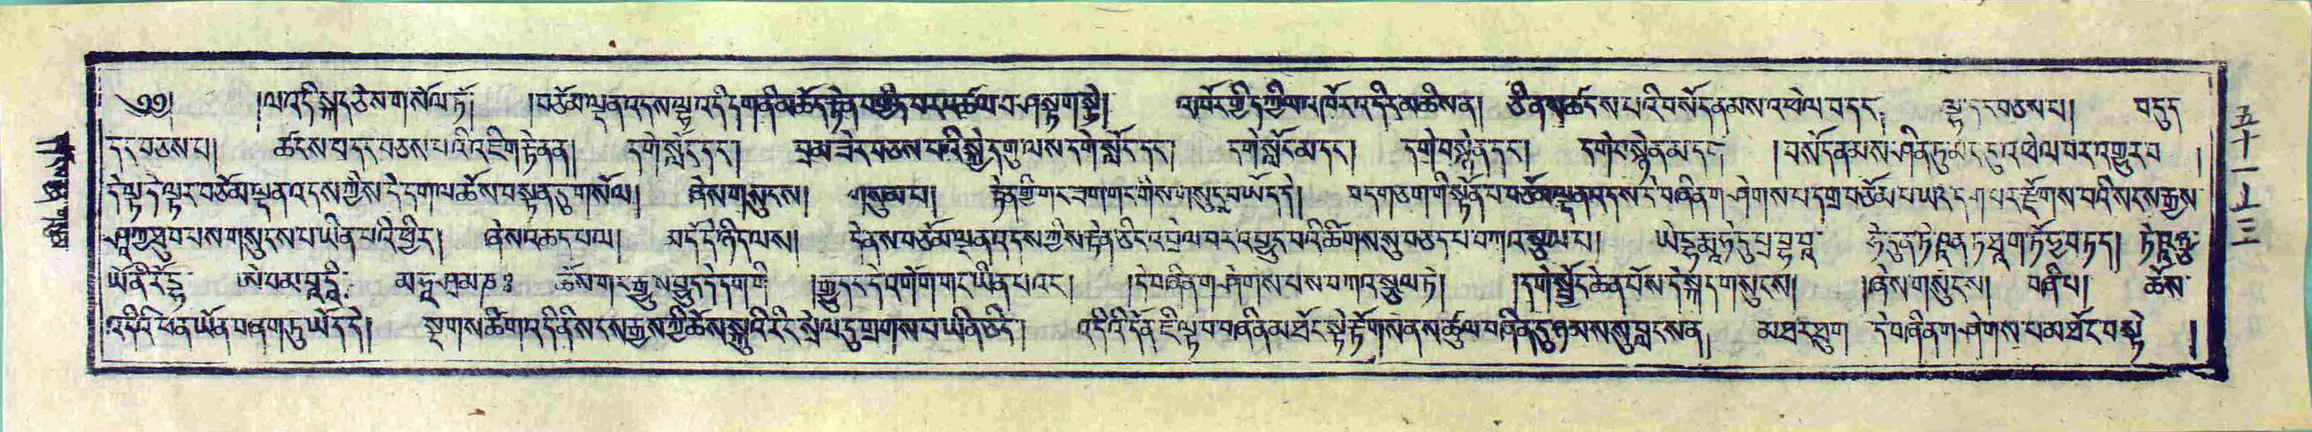ལ་འདི་སྐད་ཅེས་གསོལ་ཏོ། །བཅོམ་ལྡན་འདས་ལྷ་
འདི་དག་ནི་མཆོད་རྟེན་བགྱིད་པར་འཚལ་བ་ཤ་སྟག་སྟེ། འཁོར་གྱི་དཀྱིལ་འཁོར་འདིར་མཆིས་ན། ཅི་ནས་ཚངས་པའི་བསོད་ནམས་འཕེལ་བ་དང་། ལྷ་དང་བཅས་པ། བདུད་དང་བཅས་
པ༑ ཚངས་པ་དང་བཅས་པའི་འཇིག་རྟེན་ན། དགེ་སློང་དང་། བྲམ་ཟེར་བཅས་པའི་སྐྱེ་དགུ་ལས་དགེ་སློང་དང་། དགེ་སློང་མ་དང་། དགེ་བསྙེན་དང་། དགེ་བསྙེན་མ་དག །བསོད་ནམས་ཤིན་ཏུ་མང་དུ་
འཕེལ་བར་འགྱུར་བ། དེ་ལྟ་དེ་ལྟར་བཅོམ་ལྡན་འདས་ཀྱིས་དེ་དག་ལ་ཆོས་བསྟན་དུ་གསོལ། །ཞེས་གསུངས། གསུམ་པ། རྟེན་གྱི་གང་ཟག་གིས་གསུང་བ་ཡོད་དེ། བདག་ཅག་གི་སྟོན་པ་
བཅོམ་ལྡན་འདས་དེ་བཞིན་གཤེགས་པ་དགྲ་བཅོམ་པ་ཡང་དག་པར་རྫོགས་པའི་སངས་རྒྱས་ཤཱཀྱ་ཐུབ་པས་གསུངས་པ་ཡིན་པའི་ཕྱིར། ཞེས་འཆད་པ་ལ། མདོ་དེ་ཉིད་ལས། དེ་ནས་བཅོམ་ལྡན་འདས་ཀྱིས་རྟེན་ཅིང་འབྲེལ་བར་འབྱུང་བའི་ཚིགས་སུ་བཅད་པ་བཀའ་སྩལ་པ། ཡེ་དྷ་རྨ་ཧེ་དུ་བྲ་བྷ་བཱ། ཧེ་དུན་ཏེ་ཥཱན་ཏ་ཐཱ་ག་ཏོ་ཧྱ་བ་ཏད། ཏེཥྰྙྩ་ཡོ་ནི་རོ་དྷ། ཨེ་བམ་བཱ་དཱི། མཧཱ་ཤྲ་མྞེ།
ཆོས་གང་རྒྱུས་བྱུང་དེ་དག་གི །རྒྱུ་དང་དེ་འགོག་གང་ཡིན་པའང་། །དེ་བཞིན་གཤེགས་པས་བཀའ་སྩལ་ཏེ། །དགེ་སྦྱོང་ཆེན་པོས་དེ་སྐད་གསུངས། །ཞེས་གསུངས་བཞི་པ། ཆོས་
འདིའི་ཕན་ཡོན་བཞག་ཏུ་ཡོད་དེ། སྔགས་ཚིག་འདི་ནི་སངས་རྒྱས་ཀྱི་ཆོས་སྐུའི་རིང་སྲེལ་དུ་གྲགས་པ་ཡིན་ཅིང་། འདིའི་དོན་ཇི་ལྟ་བ་བཞིན་མཐོང་སྟེ་རྟོགས་ནས་ཚུལ་བཞིན་དུ་ཉམས་སུ་བླངས་ན།
མཐར་ཐུག་དེ་བཞིན་གཤེགས་པ་མཐོང་བ་སྟེ།